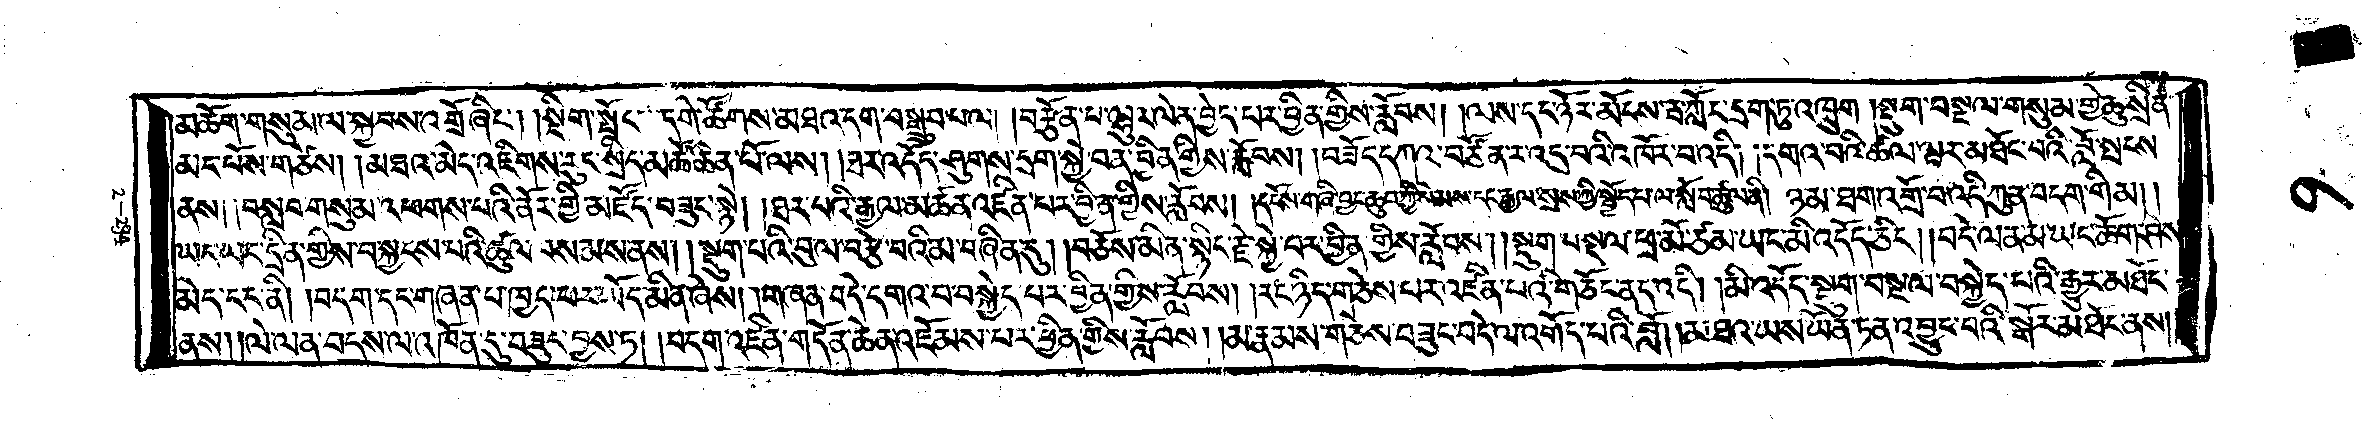མཆོག་གསུམ་ལ་སྐྱབས་འགྲོ་ཞིང་། །སྡིག་སྤོང་དགེ་ཚོགས་མཐའ་དག་བསྒྲུབ་པ་ལ། །བརྩོན་པ་ལྷུར་ལེན་བྱེད་པར་བྱིན་གྱིས་རློབས། །ལས་དང་ཉོན་མོངས་རྦ་ཀློང་དྲག་ཏུ་འཁྲུག །སྡུག་བསྔལ་གསུམ་གྱེ་ཆུ་སྲིན་
མང་པོས་གཙས། །མཐའ་མེད་འཇིགས་རུང་སྲིད་མཚོ་ཆེན་པོ་ལས། །ཐར་འདོད་ཤུགས་དྲག་སྐྱེ་བན་བྱིན་གྱིས་རློབས། །བཟོད་དཀའ་བཙོན་ར་འདྲ་བའི་འཁོར་བ་འདི༑ ༑དགའ་བའི་ཚལ་ཝར་མཐོང་བའི་བློ་སྤངས་
ནས། །བསླབ་གསུམ་འཕགས་པའི་ནོར་གྱི་མཛོད་བཟུང་སྙེ། །ཐར་པའི་རྒྱལ་མཚན་འཛིན་པར་བྱིན་གྱིས་རློབས། །དངོས་གཞི་བྱང་ཆུབ་ཀྱི་སེམས་དང་རྒྱལ་སྲས་ཀྱི་སྤྱོད་པ་ལ་སློབ་ཚུལ་ནི། ཉམ་ཐག་འགྲོ་བ་འདི་ཀུན་བདག་གི་མ།།
ཡང་ཡང་དྲིན་གྱིས་བ་སྐྱངས་པའི་ཚུལ་བསམས་ནས། །སྡུག་པའི་བུལ་བརྩེ་བའི་མ་བཞིན་དུ། །བཅོས་མིན་སྙིང་རྗེ་སྐྱེ་བར་བྱིན་གྱིས་རློབས། །སྡུག་བསྔལ་ཕྲ་མོ་ཙམ་ཡང་མི་འདོད་ཅིང་། །བདེ་ལ་ནམ་ཡང་ཆོག་ཤེས་
མེད་ངང་ནི། །བདག་དང་གཞོན་པ་ཁྱད་པར་ཡོད་མིན་ཞེས། །གཞན་བདེ་དགའ་བ་བསྐྱེད་པར་བྱིན་གྱིས་རློབས། །རང་ཉིད་གཅེས་པར་འཛིན་པའི་གཅོད་ནད་འདི། །མི་འདོད་སྡུག་བསྔལ་བསྐྱེད་པའི་རྒྱུར་མཐོང་
ནས། །ལེ་ལན་བདས་ལ་འཁོན་དུ་བྠུང་བྱས་ཏེ། །བདག་འཛིན་གདོན་ཆེན་འཇོམས་པར་ཕྱིན་གྱིས་རློབས། །མ་རྣམས་གཅེས་བཟུང་བདེ་ལ་འགོད་པའི་བློ། །མཐའ་ཡས་ཡོན་ཏན་འབྱུང་བའི་སྒོར་མཐོང་ནས།